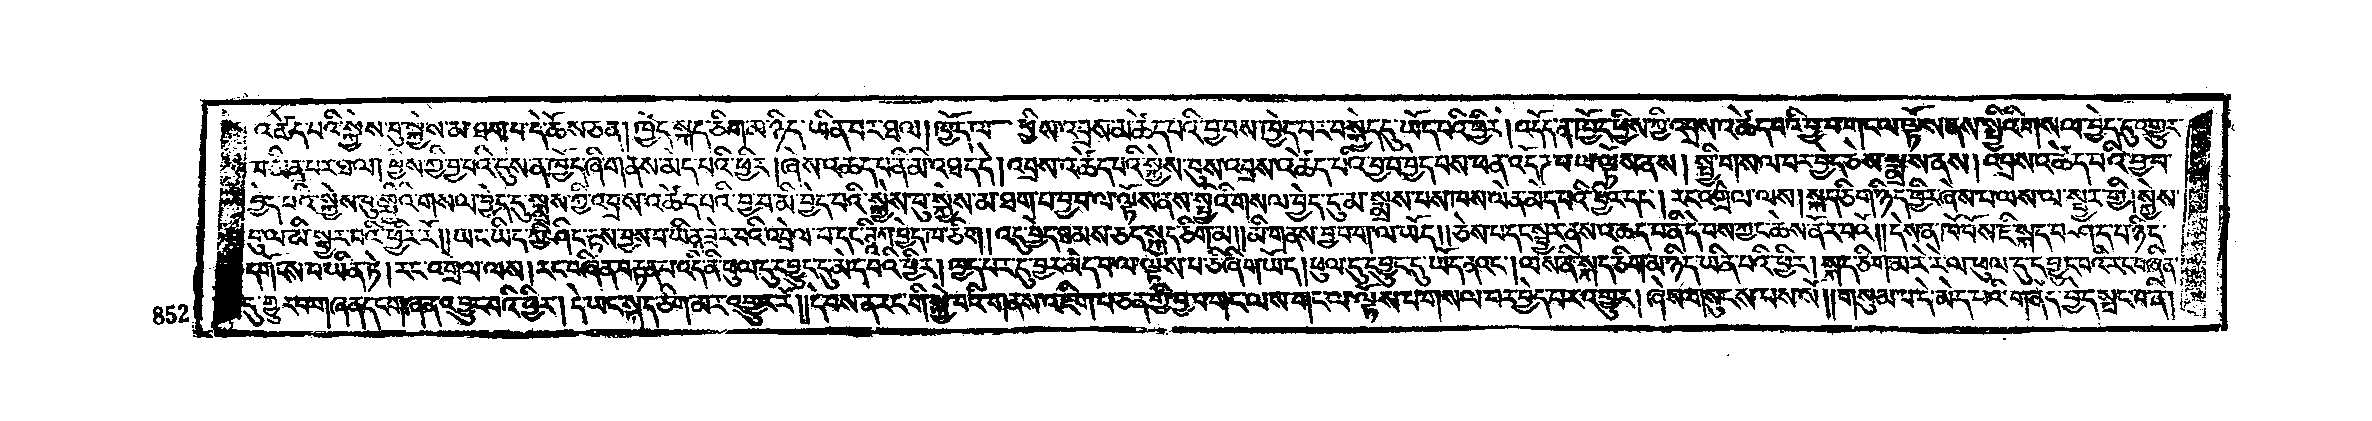འཚེད་པའི་སྐྱེས་བུ་སྐྱེས་མ་ཐག་པ་དེ་ཆོས་ཅན། ཁྱོད་སྐད་ཅིག་མ་ཉིད་ཡིན་པར་ཐལ། ཁྱོད་ལ་ཕྱིས་འབྲས་མ་ཚེད་པའི་བྱ་བས་ཁྱེད་པར་བསྐྱེད་དུ་ཡོད་པའི་ཕྱིར། འདོད་ན་ཁྱོད་ཕྱིས་ཀྱི་འབྲས་འཚེད་བའི་བྱ་བ་གང་ལ་ལྟོས་ནས་སྤྱིའི་གསལ་བྱེད་དུ་འགྱུར་
བ་མིན་པར་ཐལ། ཕྱིས་ཀྱི་བྱ་བའི་དུས་ན་ཁྱོད་ཞི་གནས་མེད་པའི་ཕྱིར། ཞེས་འཆད་པ་ནི་མི་འཐད་དེ། འབྲས་འཚེད་པའི་སྐྱེས་བུས་འབྲས་འཚེད་པའི་བྱ་བ་བྱེད་པས་ཕན་འདོགས་པ་ལ་ལྟོས་ནས། སྤྱི་གསལ་བར་བྱེད་ཅེས་སྨྲས་ནས། འབྲས་འཚེད་པའི་བྱ་བ་
བྱེད་པའི་སྐྱེས་བུ་སྤྱིའི་གསལ་བྱེད་དུ་སྨྲས་ཀྱི་འབྲས་འཚེད་པའི་བྱ་བ་མི་བྱེད་པའི་སྐྱེས་བུ་སྐྱེས་མ་ཐག་པ་བྱ་བ་ལ་ལྟོས་ནས་སྤྱིའི་གསལ་བྱེད་དུ་མ་སྨྲས་པས་ཁས་ལེན་མེད་པའི་ཕྱིར་དང་། རང་འགྲེལ་ལས། སྐད་ཅིག་ཉིད་ཕྱིར་ཞེས་པ་ལས་ལ་སྦྱར་གྱི། སྐྱེས་
བུ་ལ་མི་སྦྱར་བའི་ཕྱིར་རོ། །ཡང་ཡིད་ཀྱི་ཤིང་རྟས་བྱས་པ་ཡིན་ཟེར་བའི་འབྲེལ་བ་དང་ཊཱིཀ་བྱེད་ཁ་ཅིག །འདུ་བྱེད་ཐམས་ཅད་སྐད་ཅིག་མ། །མི་གནས་བྱ་བ་ག་ལ་ཡོད། །ཅེས་པ་དང་སྦྱར་ནས་འཆད་པ་ནི་དེ་བས་ཀྱང་ཆེས་ནོར་བའོ། །དེས་ན་ཁོ་བོས་ཇི་སྐད་བཤད་པ་ཉིད་
དགོངས་པ་ཡིན་ཏེ། རང་འགྲེལ་ལས། རང་བཞིན་བརྟན་པ་འདི་ནི་ཕུལ་དུ་དབྱུང་དུ་མེད་པའི་ཕྱིར། ཁྱད་པར་དུ་བྱར་མེད་པ་ལ་ལྟོས་པ་ཅི་ཞིག་ཡོད། ཕུལ་དུ་དབྱུང་དུ་ཡོད་ནའང་། ལས་ནི་སྐད་ཅིག་མ་ཉིད་ཡིན་པའི་ཕྱིར། སྐད་ཅིག་མ་རེ་རེ་ལ་ཕུལ་དུ་དབྱུང་བའི་རང་བཞིན་
དུ་གྱུར་བ་གཞན་དང་གཞན་འབྱུང་བའི་ཕྱིར། དེ་ཡང་སྐད་ཅིག་མར་འགྱུར་རོ། །དེ་བས་ན་རང་གི་སྐྱེ་བའི་གནས་འཇིག་པ་ཅན་གྱི་བྱ་བ་གང་ལས་གང་ལ་ལྟོས་པ་གསལ་བར་བྱེད་པར་འགྱུར། ཞེས་གསུངས་པས་སོ། །གསུམ་པ་དེ་མེད་པའི་གནོད་བྱེད་སྤང་བ་ནི།